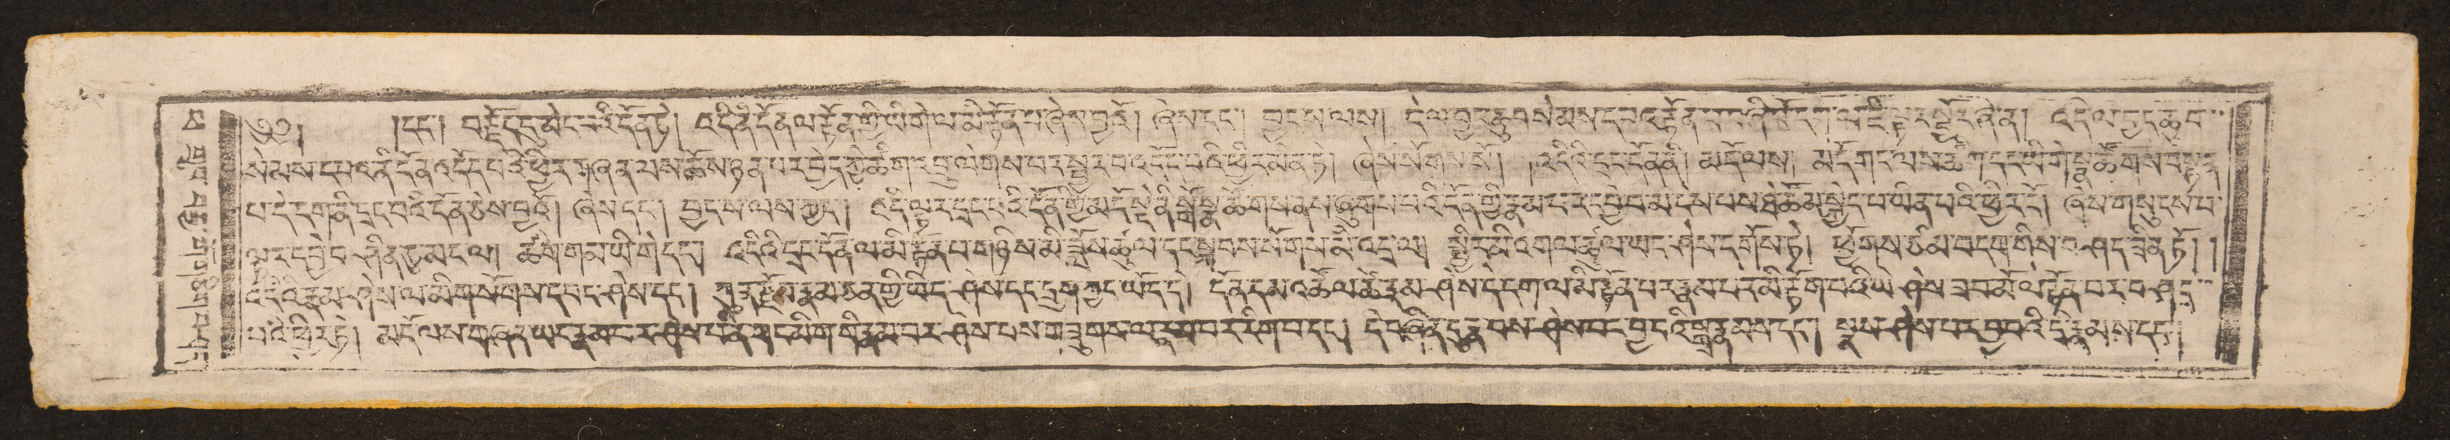༄༅། །དང་། བརྗོད་དུ་མེད་པའི་དོན་ཏེ། འདི་ནི་དོན་ལ་རྟོན་གྱི་ཡི་གེ་ལ་མི་རྟོན་པ་ཞེས་བྱའོ། ཞེས་དང་། བྱངས་ལས། དེ་ལ་བྱང་ཆུབ་སེམས་དཔའ་རྟོན་པ་བཞི་པོ་དག་ལ་ཇི་ལྟར་སྦྱོར་ཞེ་ན། འདི་ལ་བྱང་ཆུབ་
སེམས་དཔའ་ནི་དོན་འདོད་པའི་ཕྱིར་གཞན་ལས་ཆོས་ཉན་པར་བྱེད་ཀྱི་ཚིག་འབྲུ་ལེགས་པར་སྦྱར་བ་འདོད་པའི་ཕྱིར་མིན་ཏེ། ཞེས་སོགས་སོ། །འདིའི་དྲང་དོན་ནི། མདོ་ལས། མདོ་གང་ལས་ཚིག་དང་ཡི་གེ་སྣ་ཚོགས་བསྟན་
པ་དེ་དག་ནི་དྲང་བའི་དོན་ཅེས་བྱའོ། ཞེས་དང་། བྱངས་ལས་ཀྱང་། འདི་ལྟར་དྲང་པའི་དོན་གྱི་མདོ་སྡེ་ནི་སྒོ་སྣ་ཚོགས་ནས་ཞུགས་པའི་དོན་གྱི་རྣམ་པར་དབྱེ་བ་མ་ངེས་པས་ཐེ་ཚོམ་སྐྱེད་པ་ཡིན་པའི་ཕྱིར་རོ། ཞེས་གསུངས་པ་
ལྟར་དབྱེ་བ་ཤིན་ཏུ་མང་ལ། ཚིག་གམ་ཡི་གེ་དང་། འདིའི་དྲང་དོན་ལ་མི་རྟོན་པ་གཉིས་མི་ཟློས་ཚུལ་དང་སྐབས་སོགས་མི་འདྲ་ལ། སྤྱིར་མི་འགལ་ཚུལ་ཡང་ཤེས་དགོས་ཏེ། ཕྱོགས་ཙམ་བདག་གིས་བཤད་ཟིན་ཏོ།།
འདིའི་རྣམ་ཤེས་ལ་མིག་སོགས་དབང་ཤེས་དང་། ཀུན་རྫོབ་རྣམ་ཅན་གྱི་ཡིད་ཤེས་དང་དྲུག་ཀྱང་ཡོད་དེ། དོན་དམ་འཚོལ་ཚེ་རྣམ་ཤེས་དེ་དག་ལ་མི་རྟོན་པར་རྣམ་པར་མི་རྟོག་པའི་ཡེ་ཤེས་ཟབ་མོ་ལ་རྟོན་པར་བཤད་
པའི་ཕྱིར་ཏེ། མདོ་ལས་གཞན་ཡང་རྣམ་པར་ཤེས་པ་ནི་གང་མིག་གི་རྣམ་པར་ཤེས་པས་གཟུགས་ལ་རྣམ་པར་རིག་པ་དང་། དེ་བཞིན་དུ་རྣ་བས་ཤེས་པར་བྱ་བའི་སྒྲ་རྣམས་དང་། སྣས་?་ཤེས་པར་བྱ་བའི་དྲི་རྣམས་དང་།